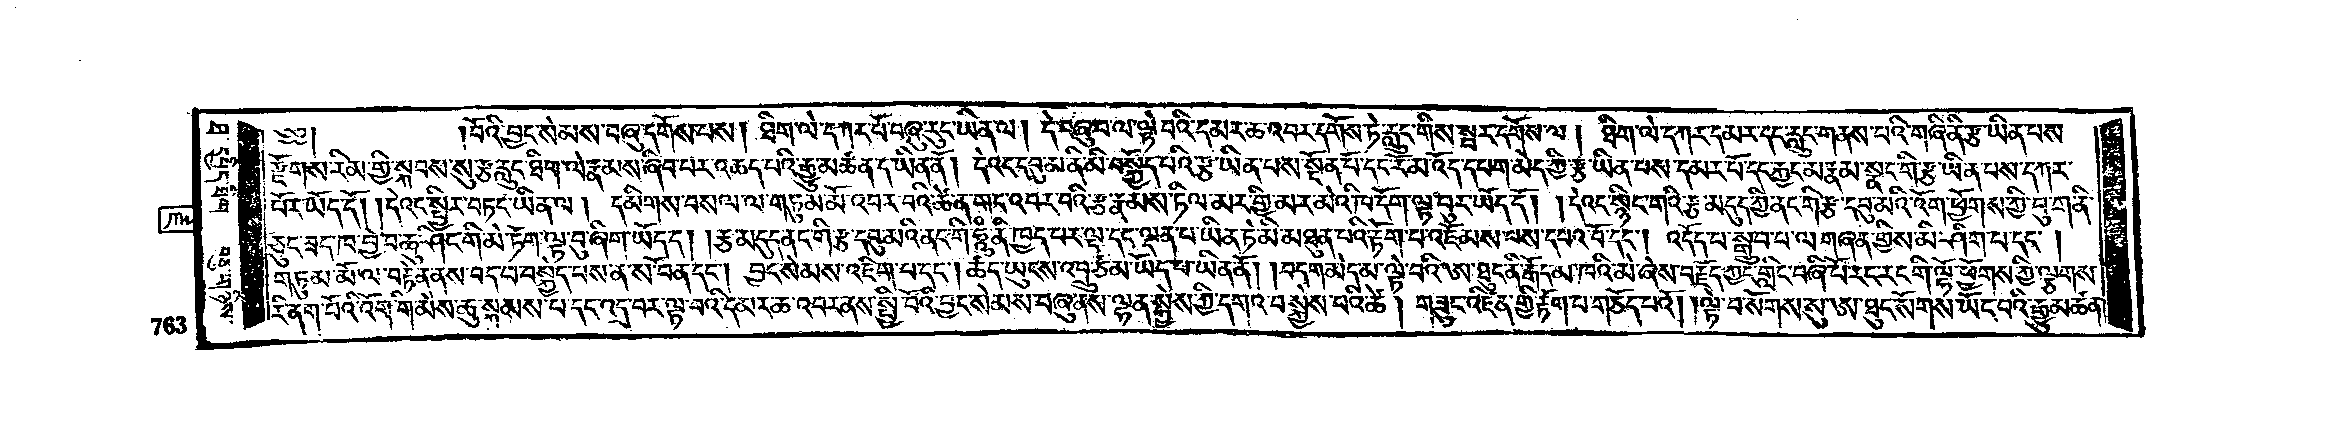༄༅། །བོའི་བྱང་སེམས་བཞུ་དགོས་པས། ཐེག་ལེ་དཀར་པོ་བཞུ་རུང་ཡིན་ལ། དེ་བཞུ་བ་ལ་ལྟེ་བའི་དམར་ཆ་འབར་དགོས་ཏེ་རླུང་གིས་སྦར་དགོས་ལ། ཐིག་ལེ་དཀར་དམར་དང་རླུང་གནས་པའི་གཞི་ནི་རྩ་ཡིན་པས་
རྫོགས་རིམ་གྱི་སྐབས་སུ་རྩ་རླུང་ཐིག་ལེ་རྣམས་ཞིབ་བར་འཆད་པའི་རྒྱུ་མཚན་དེ་ཡིན་ནོ། དེའང་དབུ་མ་ནི་མི་བསྐྱོད་པའི་རྩ་ཡིན་པས་སྔོན་པོ་དང་རོ་མ་འོད་དཔག་མེད་ཀྱི་རྩ་ཡིན་པས་དམར་པོ་དང་རྐྱང་མ་རྣམ་སྣང་གི་རྩ་ཡིན་པས་དཀར་
པོར་ཡོད་དོ། །དེའང་སྤྱིར་བཏང་ཡིན་ལ། དམིགས་བསལ་ལ་གཏུམ་མོ་འབར་བའི་ཚེ་ན་གང་འབར་བའི་རྩ་རྣམས་ཏིལ་མར་གྱི་མར་མེའི་ཁ་དོག་ལྟ་བུར་ཡོད་དོ། །དེའང་སྙིང་གའི་རྩ་མདུད་ཀྱི་ནང་གི་རྩ་དབུ་མའི་འོག་ཕྱོགས་ཀྱི་བུ་ག་ནི་
ཅུང་ཟད་ཁ་བྱེ་བ་ཆུ་ཤིང་གི་མེ་ཏོག་ལྟ་བུ་ཞིག་ཡོད་དེ། །རྩ་མདུད་ནང་གི་རྩ་དབུ་མའི་ནང་གི་ཧཱུཾ་ནི་ཁྱད་པར་ལྔ་དང་ལྡན་པ་ཡིན་ཏེ་མི་མཐུན་པའི་རྟོག་པ་འཇོམས་པས་དཔའ་བོ་དང་། འདོད་པ་སྒྲུབ་པ་ལ་གཞན་གྱིས་མི་ཤིག་པ་དང་།
གཏུམ་མོ་ལ་བརྟེན་ནས་བདེ་བ་བསྐྱེད་པས་ན་ས་བོན་དང་། བྱང་སེམས་འཇིག་པ་དང་། ཚད་ཡུངས་འབྲུ་ཙམ་ཡོད་པ་ཡིན་ནོ། །བདག་མེད་མ་ལྟེ་བའི་ཨ་ཐུང་ནི་རྒོད་མ་ཁའི་མེ་ཞེས་བརྗོད་ཀྱང་གླིང་བཞི་པོ་རང་རང་གི་ལྷོ་ཕྱོགས་ཀྱི་ལྕགས་
རི་ནག་པོའི་འོག་གི་མེས་ཆུ་སྐམས་པ་དང་འདྲ་བར་ལྟ་བའི་དམར་ཆ་འབར་ནས་སྤྱི་བོའི་བྱང་སེམས་བཞུ་ནས་ལྷན་སྐྱེས་ཀྱི་དགའ་བ་སྐྱེས་པའི་ཚེ། གཟུང་འཛིན་གྱི་རྟོག་པ་གཅོད་པའོ། །ལྟེ་བ་སོགས་སུ་ཨ་ཐུང་སོགས་ཡོང་བའི་རྒྱུ་མཚན་